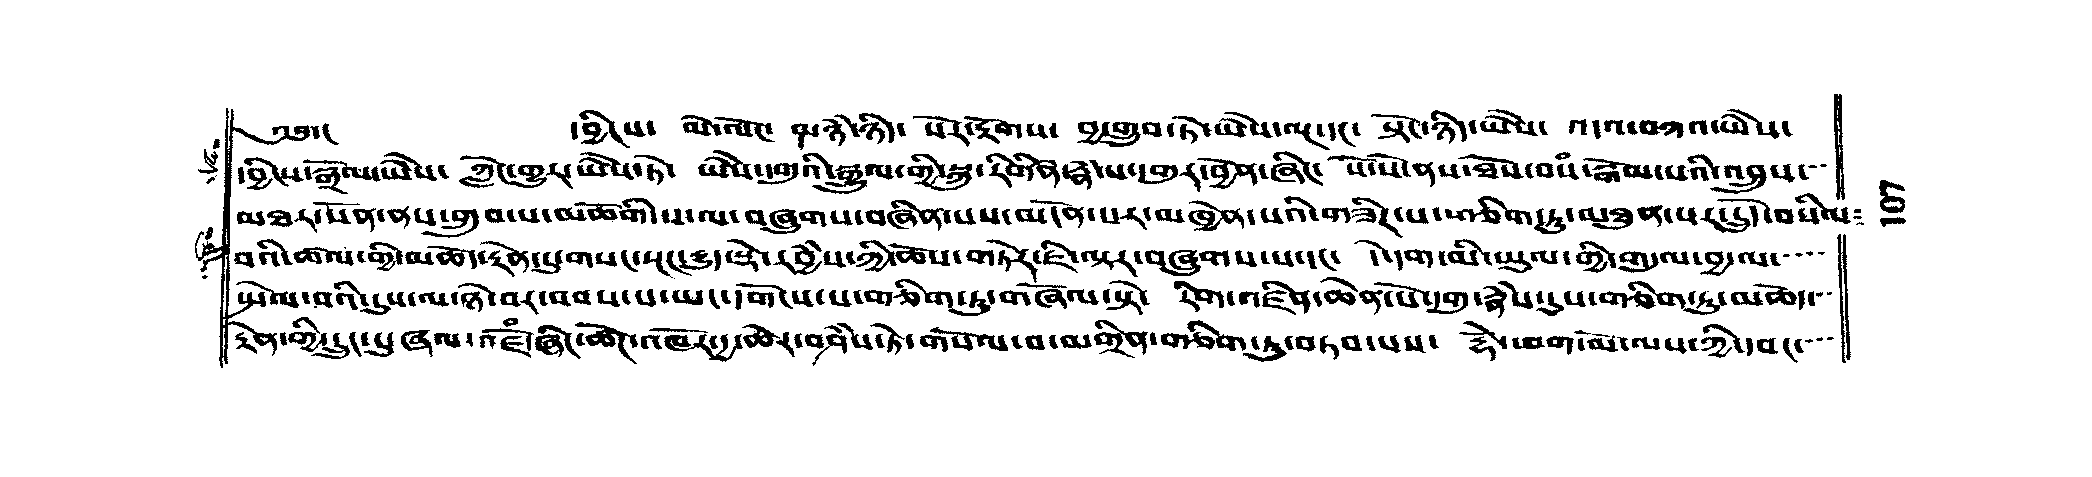དབྱིངས། མེ་ལོང་། མཉམ་ཉིད། སོར་རྟོགས། བྱ་གྲུབ་ཏེ་ཡེ་ཤེས་ལྔ་དང་། སྟོང་ཉིད་ཡེ་ཤེས། འདའ་བཀའ་ཡེ་ཤེས་དབྱིངས་སྒྲོལ་ཡེ་ཤེས། 
ཀློང་གྱུར་ཡེ་ཤེས་ཏེ། ཡེ་ཤེས་དགུའི་སྒྱུ་འཕྲུལ་གྱི་སྐུ་རིག་འཛིན་རྣམ་པ་དགུར་བྱོན་ཞིང་། སོ་སོ་ནས་ཐོས་བསམ་སྒོམ་པའི་འབྲས་བུ་
མཐར་སོན་ནས་གྲུབ་པ་མཆོག་གི་ས་ལ་བཞུགས་བཞིན་པས་མངོན་པར་མཁྱེན་པའི་གཟིགས་པ་གཅིག་ཏུ་མཐུན་པར་དུར་ཁྲོད་བསིལ་
བའི་ཚལ་གྱི་མཆོད་རྟེན་དུ་གསང་སྔགས་རྒྱད་སྡེ་རབ་འབྱམས་ཀྱི་ཆོས་གཏེར་ཇི་ལྟར་བཞུགས་པ་དང་། དེ་དག་མི་ཡུལ་གྱི་གདུལ་བྱ་ལ་
སྤེལ་བའི་དུས་ལ་ཉེ་བར་བབས་པ་ཡང་དགོས་པ་གཅིག་ཏུ་གཞོལ་ཏེ། རིག་འཛིན་ཆེན་པོ་དགུ་རྣམས་དུས་གཅིག་ཏུ་མཆོད་
རྟེན་གྱི་དྲུང་དུ་ཞལ་འཛོམ་ཞིང་ཚོགས་འཁོར་རྒྱ་ཆེར་བཤམས་ཏེ་གསོལ་བ་མགྲིན་གཅིག་ཏུ་བཏབ་པས། རྡོ་རྗེ་ཕག་མོ་ལས་ཀྱི་དབང་